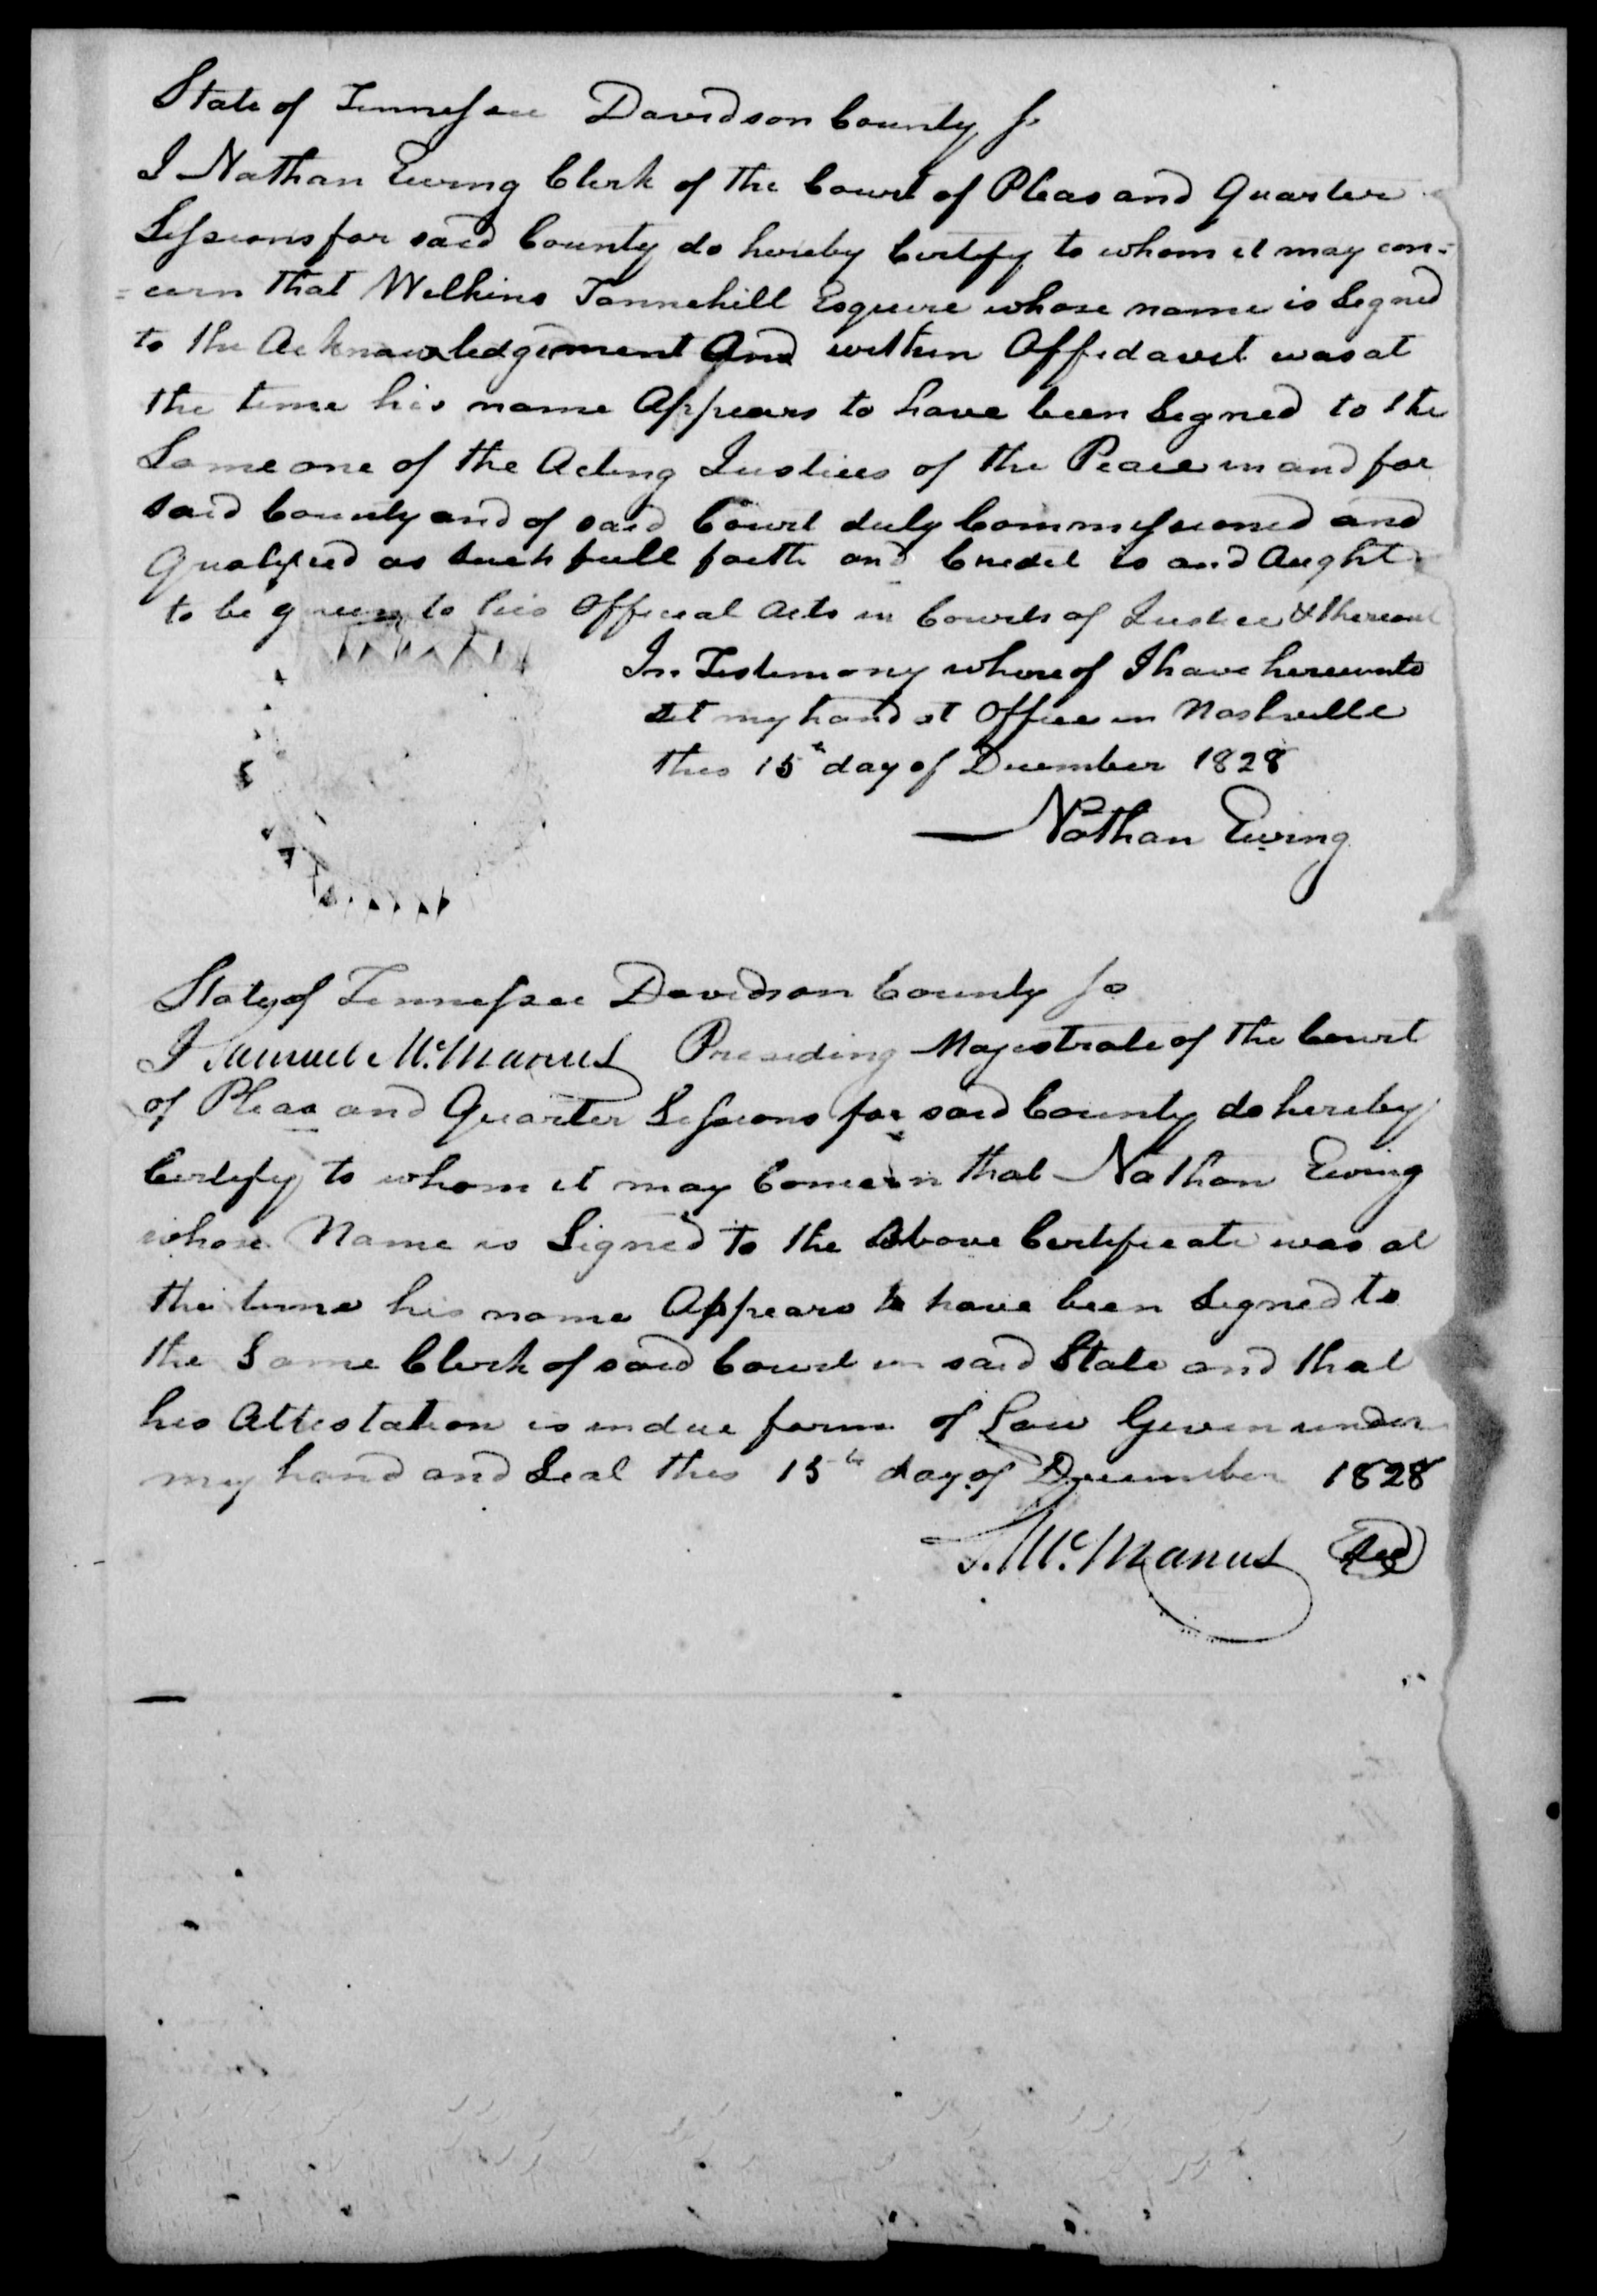State of Tennessee Davidson County Ss.
I Nathan Ewing Clerk of the Court of Pleas and Quarter
Sessions for said County do hereby certify to whom it may
concern that Wilkins Tannehill Esquire whose name is signed
to the acknowledgement and within affidavit was at
the time his name appears to have been signed to the
same one of the acting Justices of the Peace in and for
said County and said Court duly commissioned and
qualified as such full faith and credit is and ought
to be given to his official acts in Courts of Justice and thereout.
In testimony whereof I have hereunto
set my hand at office in Nashville
this 15th day of December 1828
Nathan Ewing
State of Tennessee Davidson County Ss.
I Samuel McManus presiding Magistrate of the Court
of Pleas and Quarter Sessions for said County do hereby
certify to whom it may concern that Nathan Ewing
whose name is signed to the above certificate was at
the time his name appears to have been signed to
the same Clerk of said Court in said State and that
his attestation is in due form of law Given under
my hand and seal this 15th day of December 1828
S. McManus {seal}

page: 29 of 32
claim: survivor's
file: S. 16,526, for Basil Shaw, Maryland